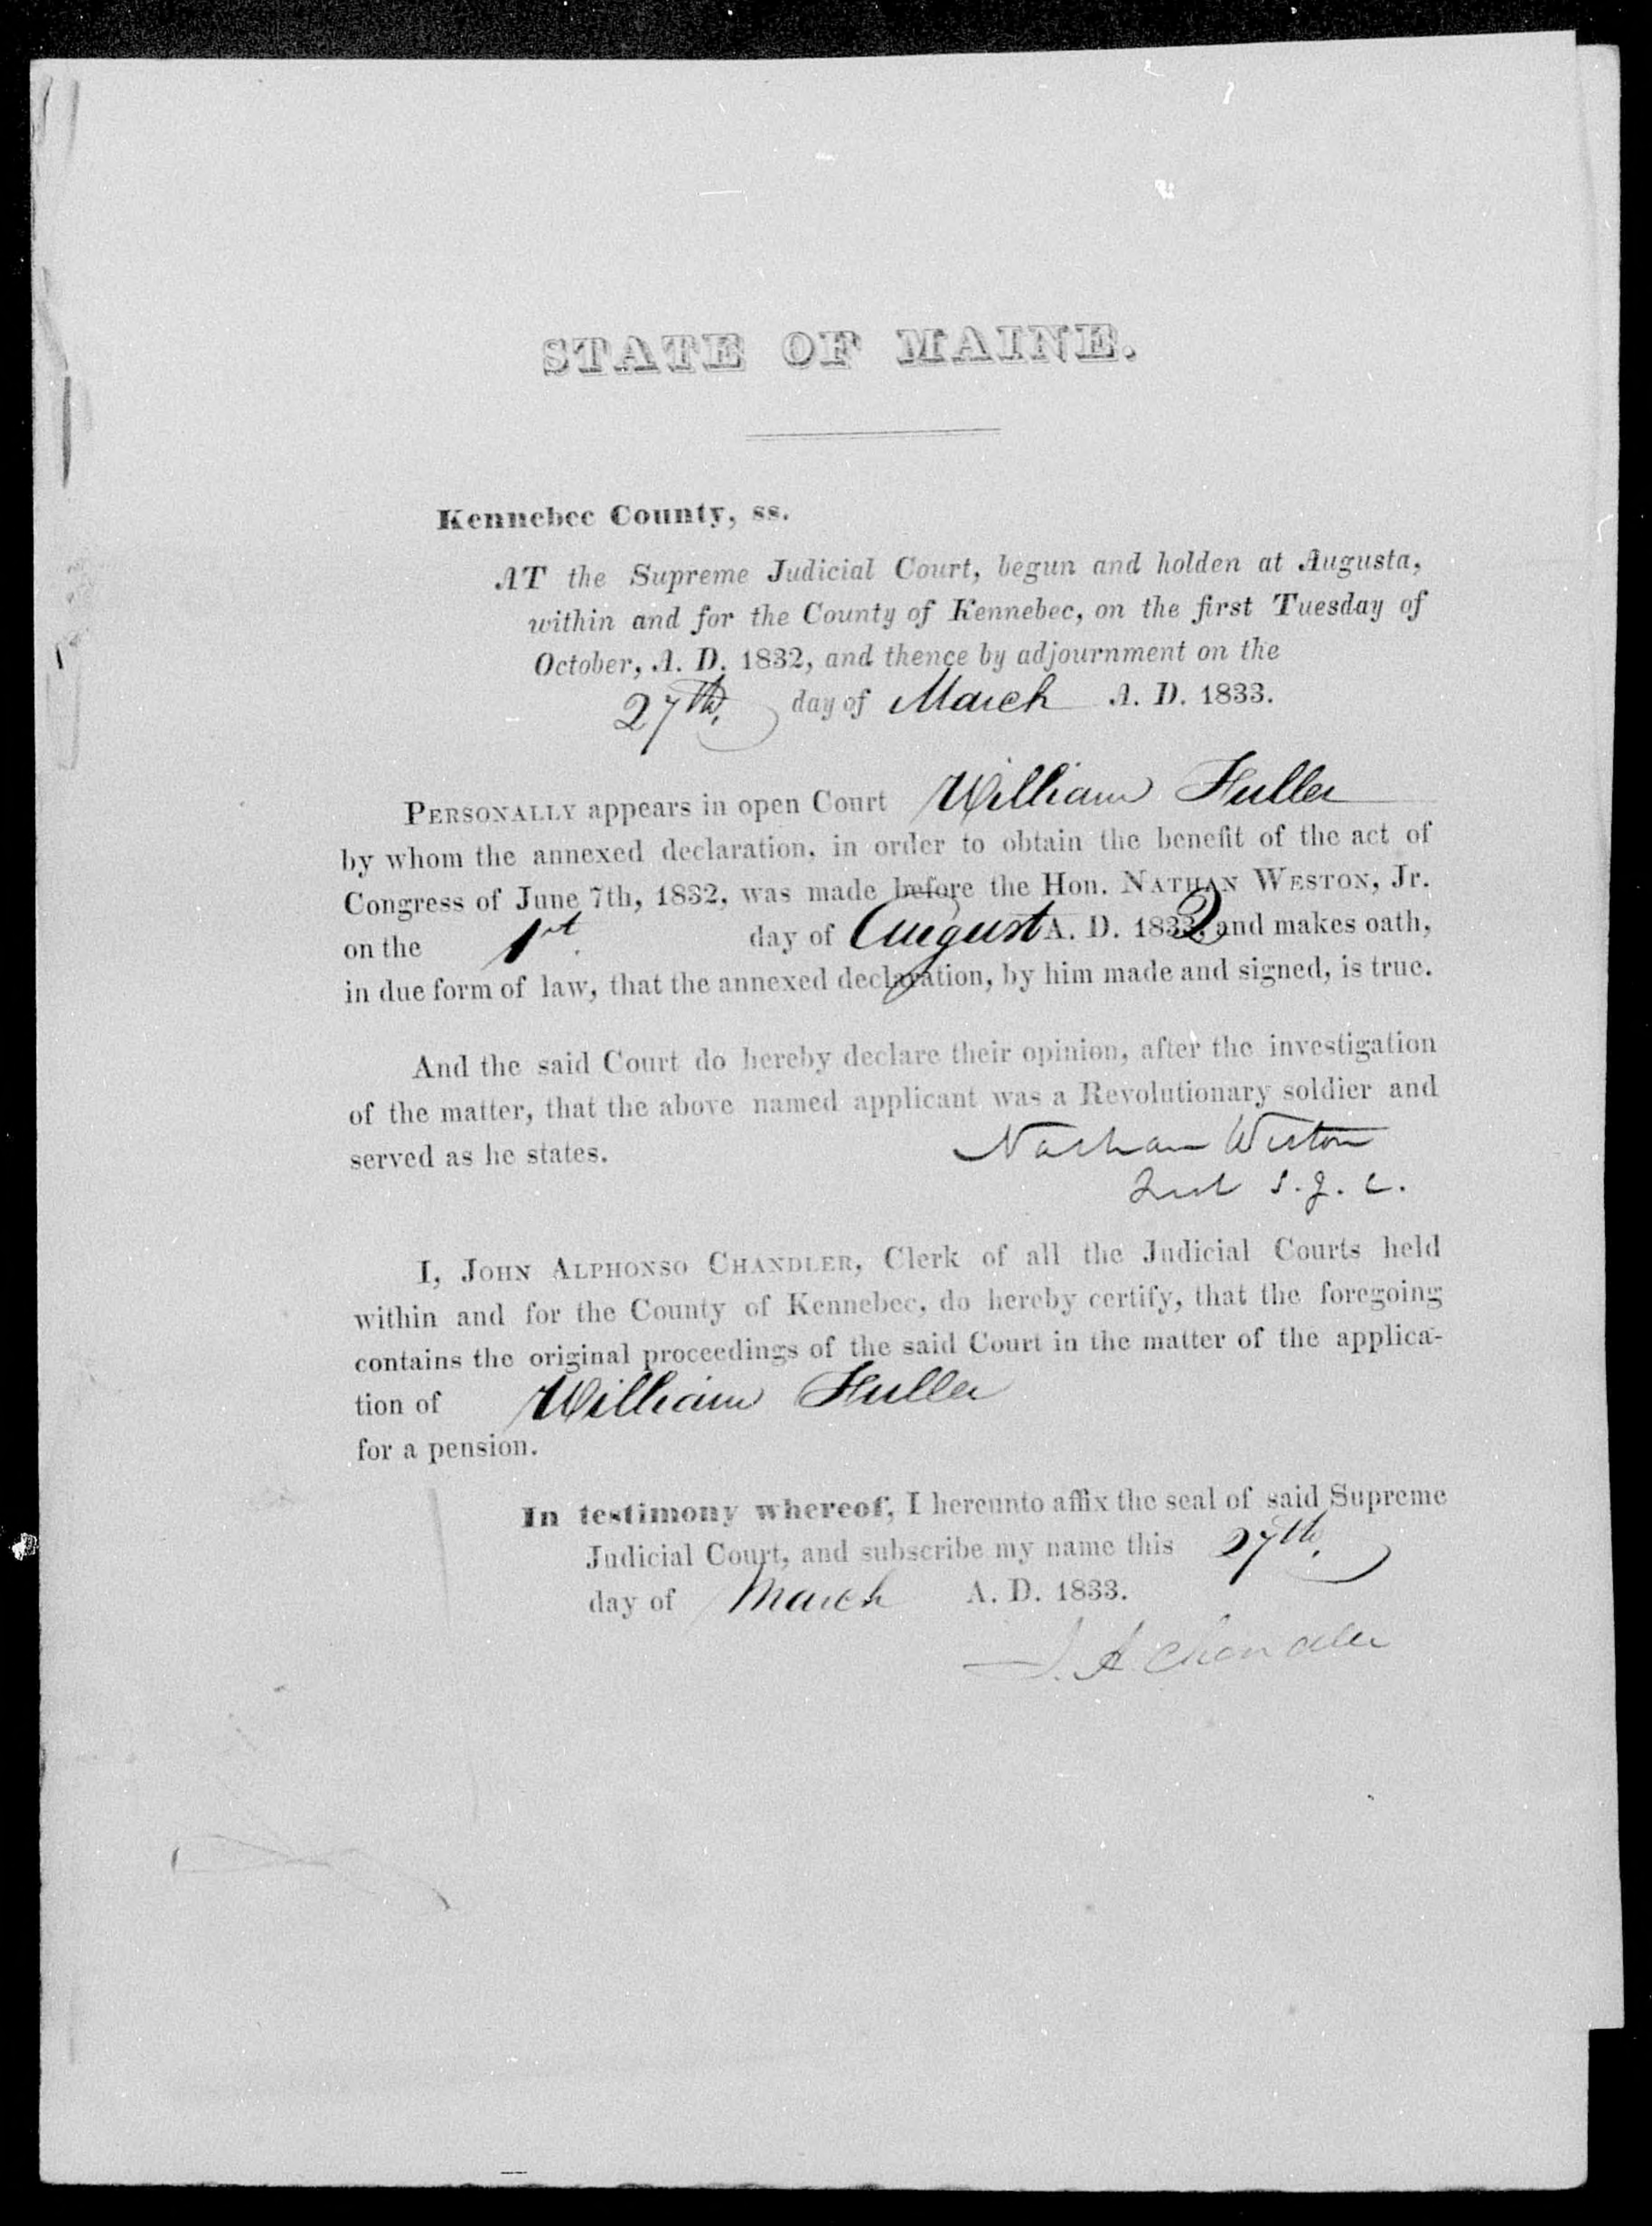State of Maine.
Kennebec County, ss.
AT the Supreme Judicial Court, begun and holden at Augusta, within and for the county of Kennebec, on the first Tuesday of October, A. D. 1832, and thence by adjournment on the 27th day of March A. D. 1833.
PERSONALLY appears in open Court William Fuller by whom the annexed declaration, in order to obtain the benefit of the act of Congress of June 7th, 1832, was made before the Hon. NATHAN WESTON, Jr. on the 1st day of August A. D. 1832, and makes oath, in due form of the law, that the annex declaration, by him made and signed is true.
And the said Court do hereby declare their opinion, after the investigation of the matter, that the above named applicant was a Revolutionary soldier and served as he states. Nathan Weston
Junior S. J. C.
I, JOHN ALPHONSO CHANDLER, Clerk of all the Judicial Courts held within and for the County of Kennebec, do hereby certify, that the foregoing contains the original proceedings of the said Court in the matter of the applicant application of William Fuller for a pension.
In testimony whereof, I hereunto affixed the seal of said Supreme Judicial Court, and subscribe by name this 27th day of March A. D. 1833.
J. A. Chandler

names: J A Chandler, Nathan Weston, Nathan Weston, William Fuller, John Alphonson Chandler, William Fuller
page: 5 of 45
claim: widow's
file: W. 17933, William Fuller, Mass